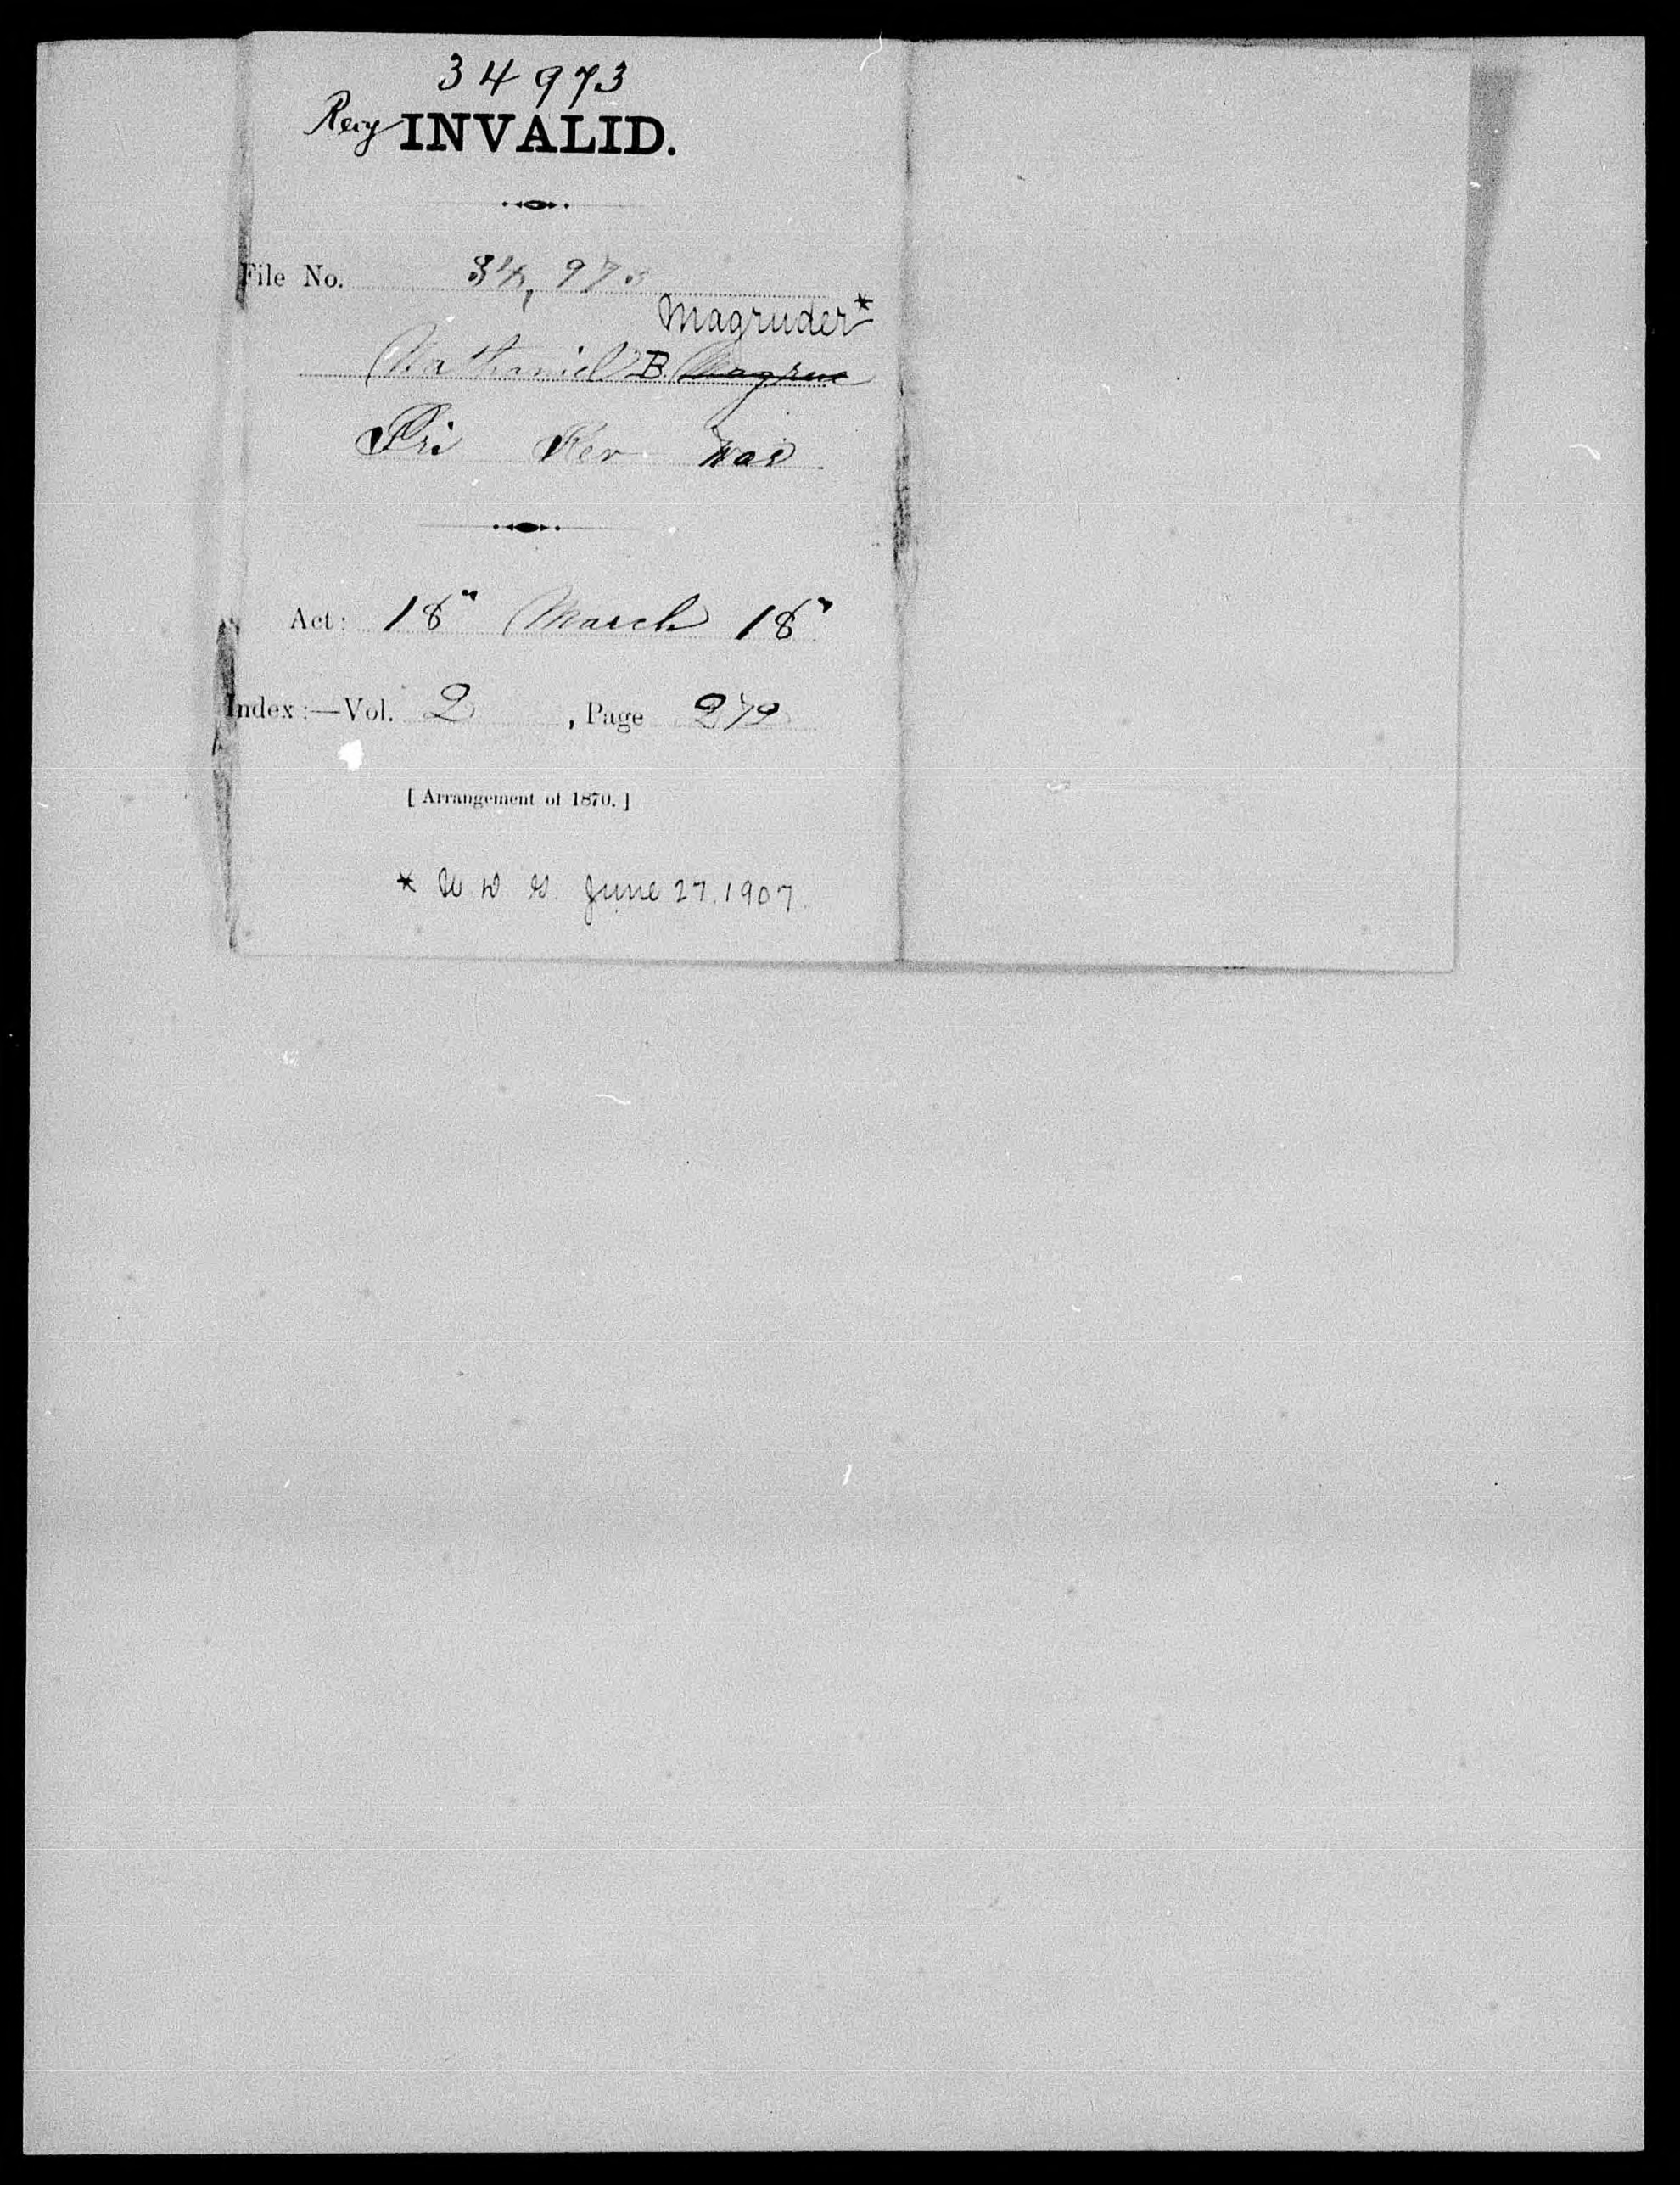34973
Revy INVALID

File No 34973
Nathaniel B. Magruder
Pri Rev War

Act: 19 March '18
Index Vol 2 Page 279
[Arrangement of 1870.]

* [illegible] June 27, 1907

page: 11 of 13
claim: survivor's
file: S. 34973, for Nathaniel Beale Magruder, Maryland